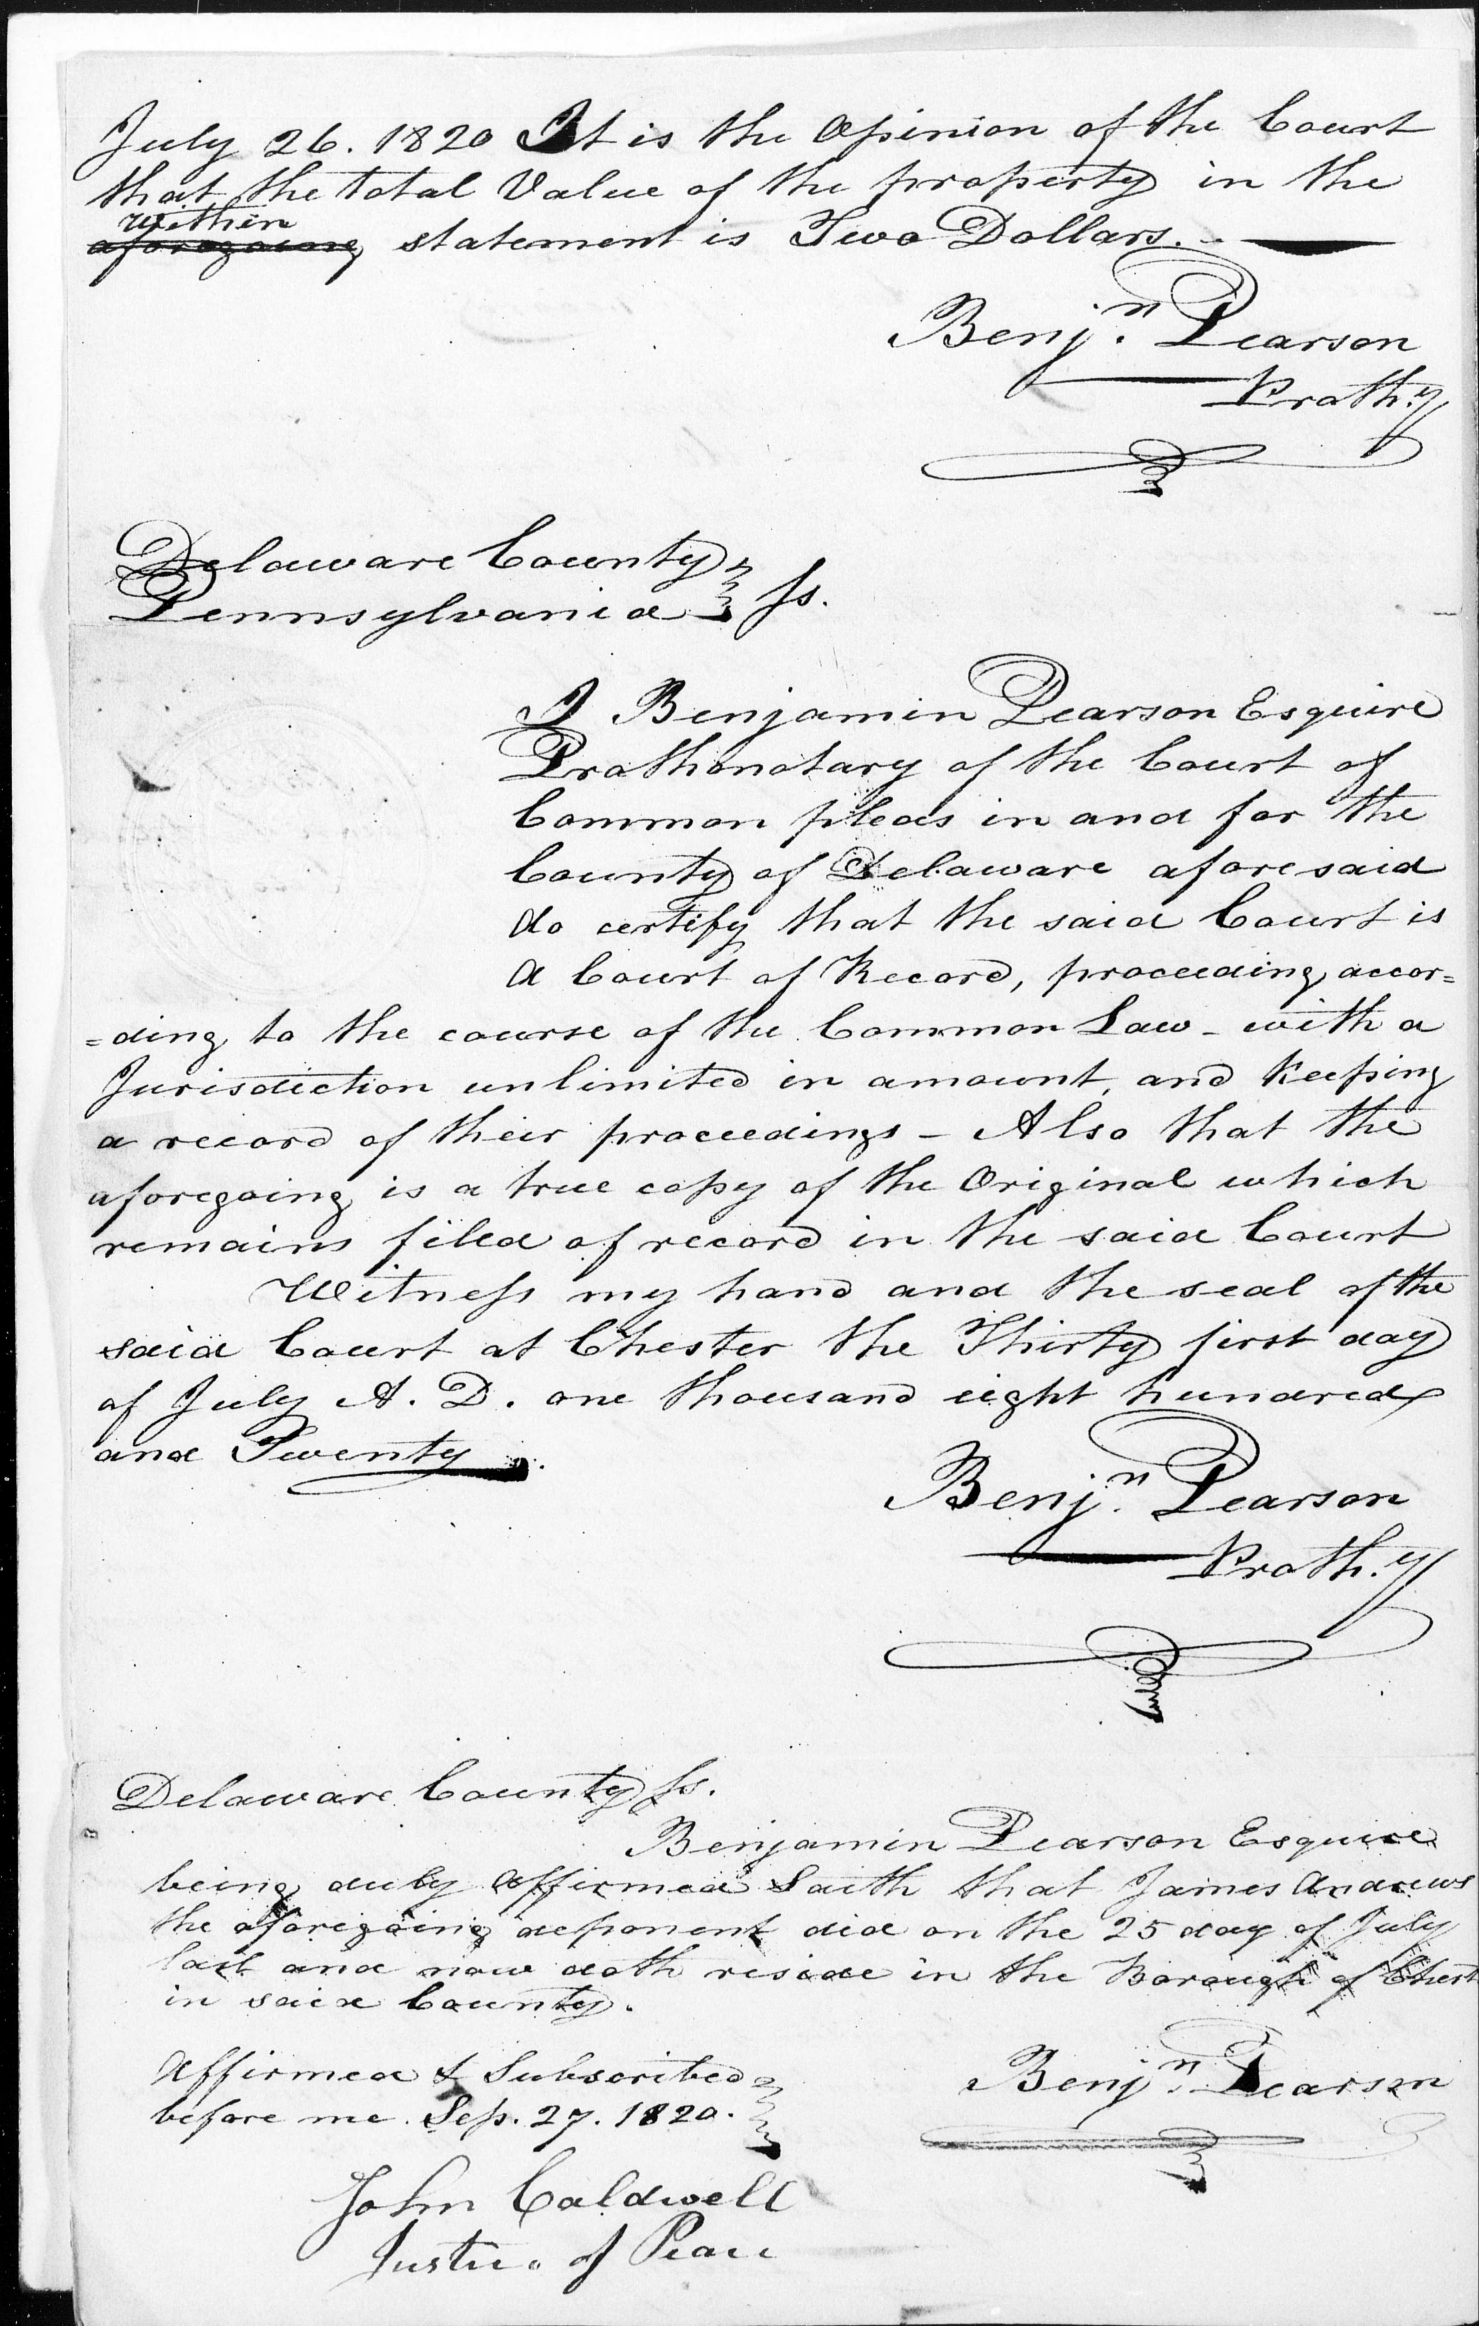July 26, 1820 It is the opinion of the Court that the total Value of the property in the within statement is two Dollars.
signed Benjamin Pearson Pronthonitary


Delaware County Pennsylvania Js.

I Benjamin Pearson Esquire Pronthonitary of the Court of Common pleas in and for the County of Delaware aforesaid do certify that the said Court is a court of record, proceeding according to the course of the Common Law with a Jurisdiction unlimited in  amount and keeping a record of the proceedings- also that the aforegoing is a true copy of the Original which remains filed of record in the said Court.

Witness my name and the seal of the said Court at Chester the Thirty first Day of July A.D. one thousand eight hundred and twenty.
Benjamin Pearson Proth.

 Delaware County  Ss.
Benjamin Pearson Esquire being duly affirmed Saith that James Andrews the aforegoing confirmed did on the 25th
day of July last and now doth reside in the Borough of Chester in the said County.
Affirmed and subscribed before me Sep 27, 1820 
John Caldwell
Justice of the Peace


signed by Benj Pearson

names: Benjamin Pearson, Benjamin Pearson, Benjn Pearson, John Caldwell, Benjn Pearson, Benjn Pearson, James Andrews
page: 8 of 9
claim: survivor's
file: S. 39934, James Andrews, New Jersey